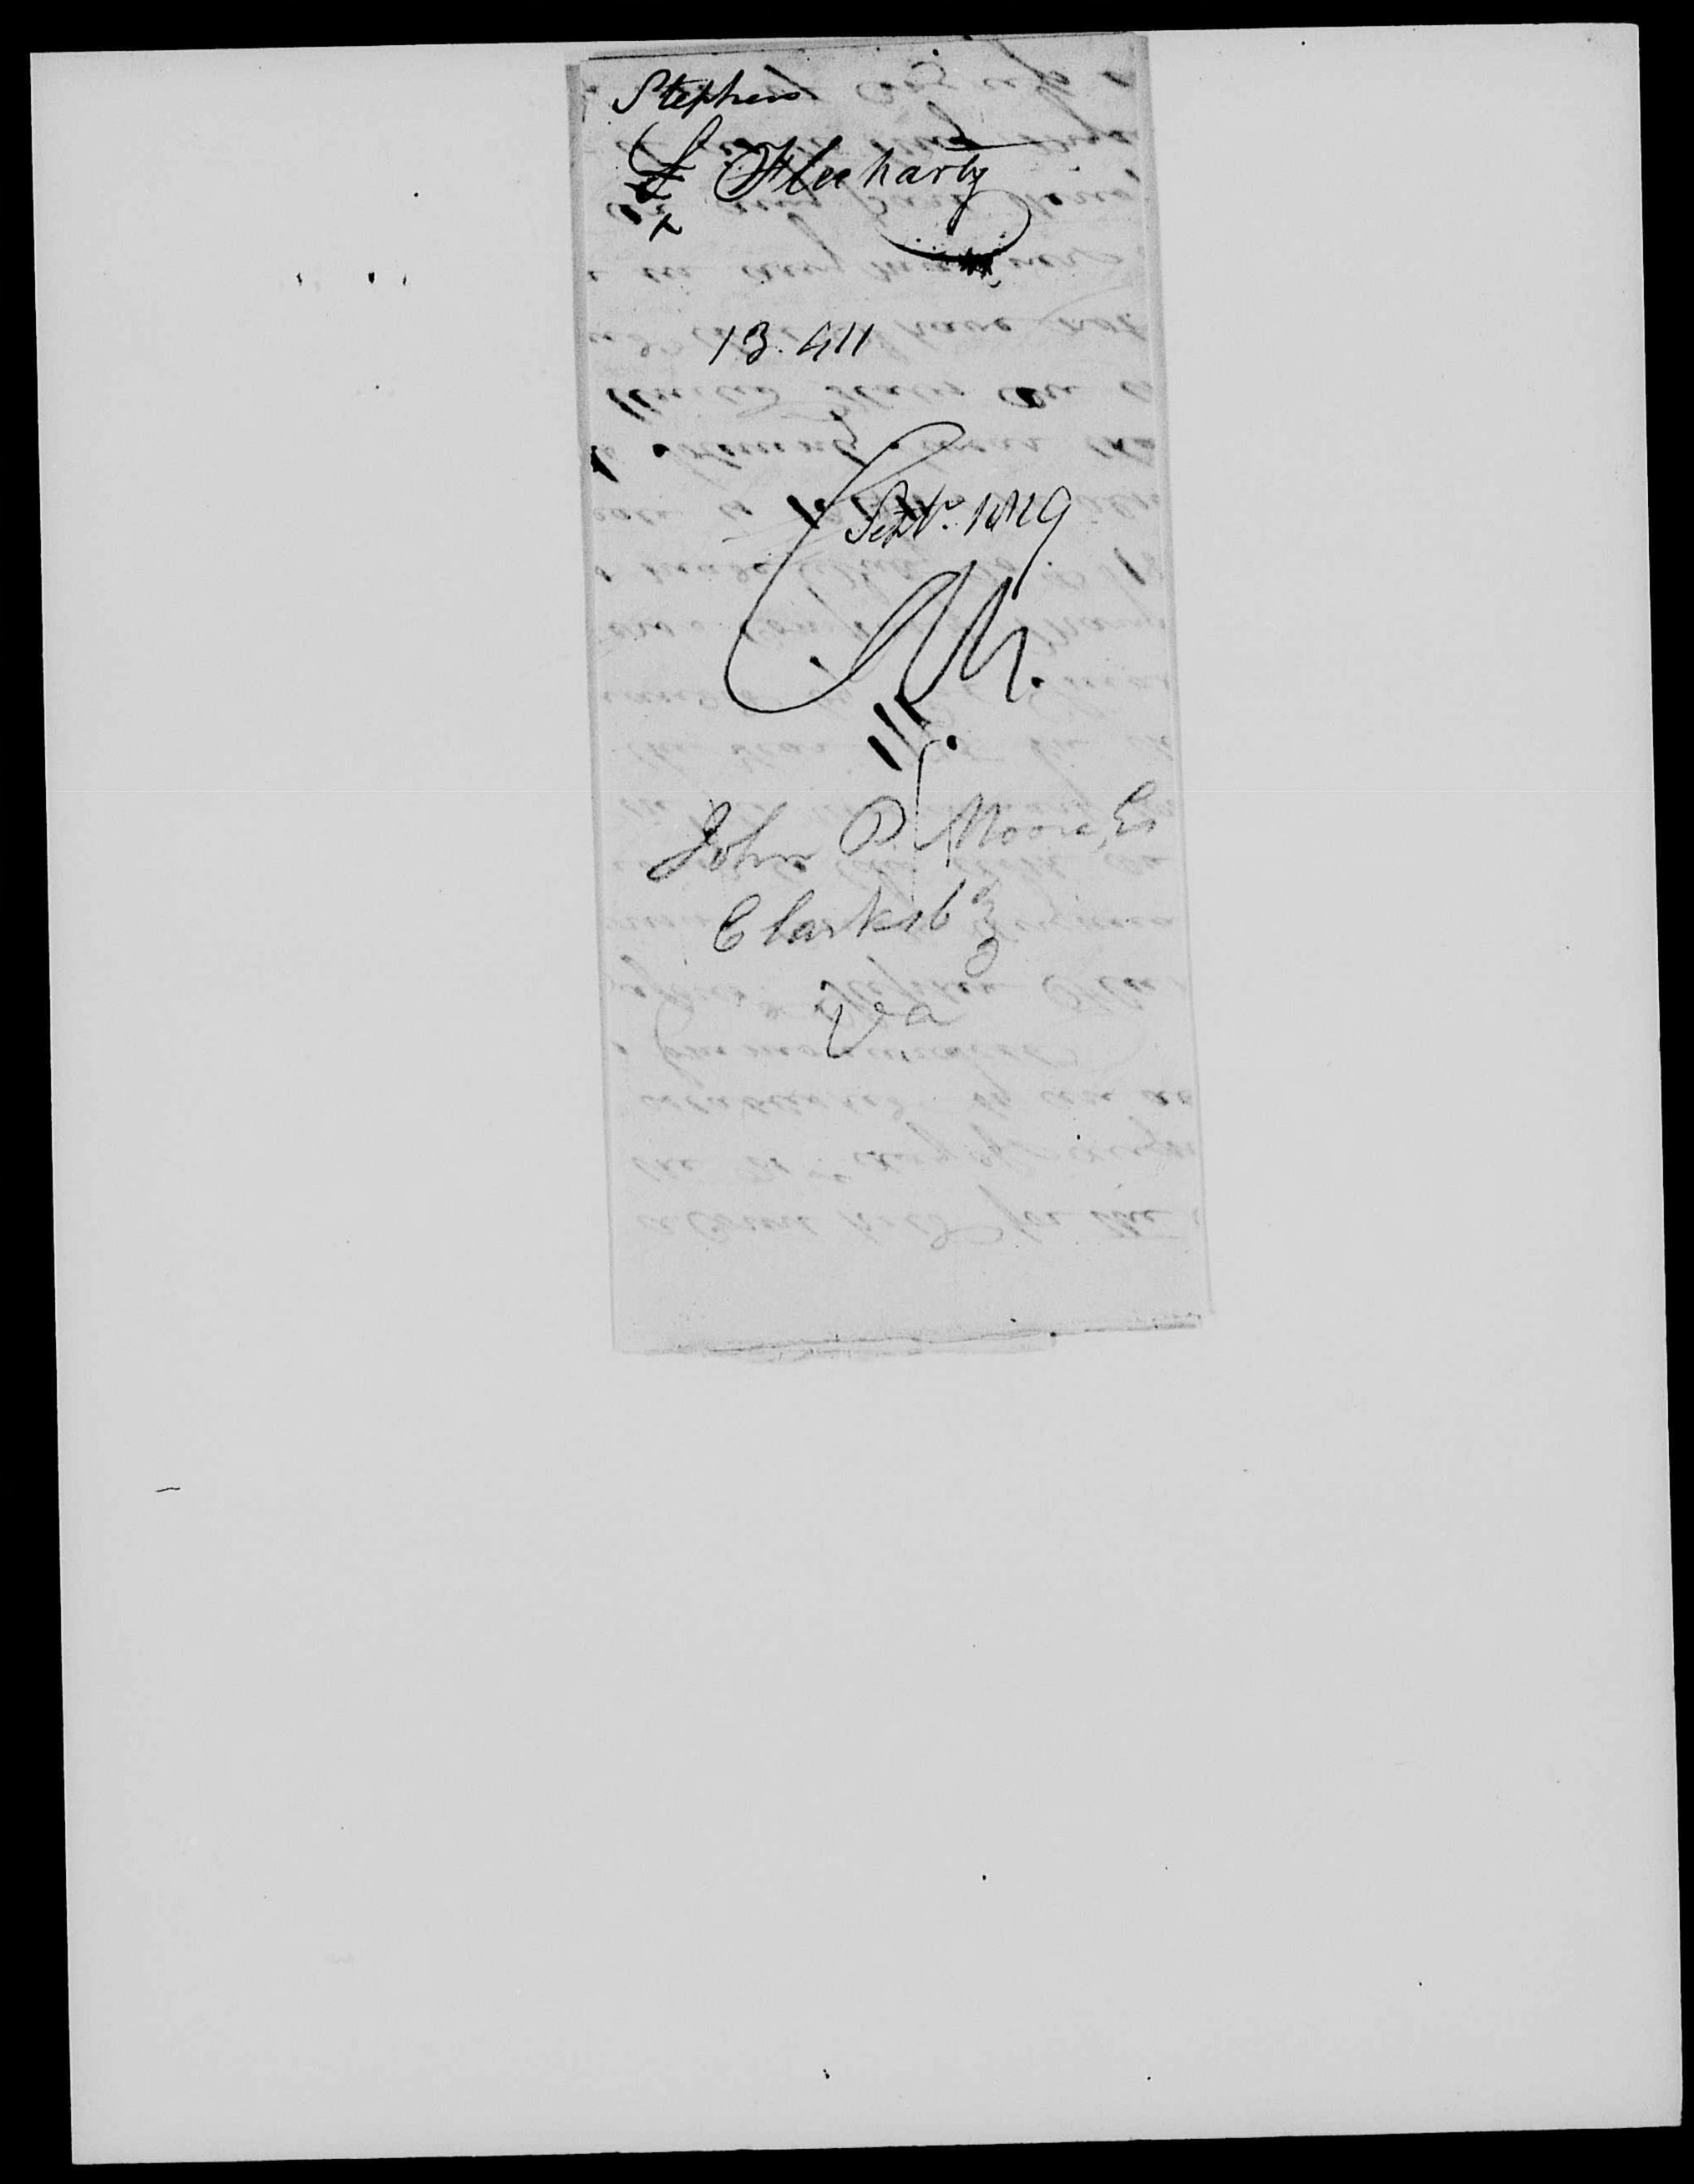Stephen 
Fleeharty 

13.411 

Sept 1819
 

John P. Moore 
Clarksburg 
Va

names: John P Moore, Stephen Fleeharty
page: 6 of 14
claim: survivor's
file: S. 39529, Stephen Fleeharty, Md.